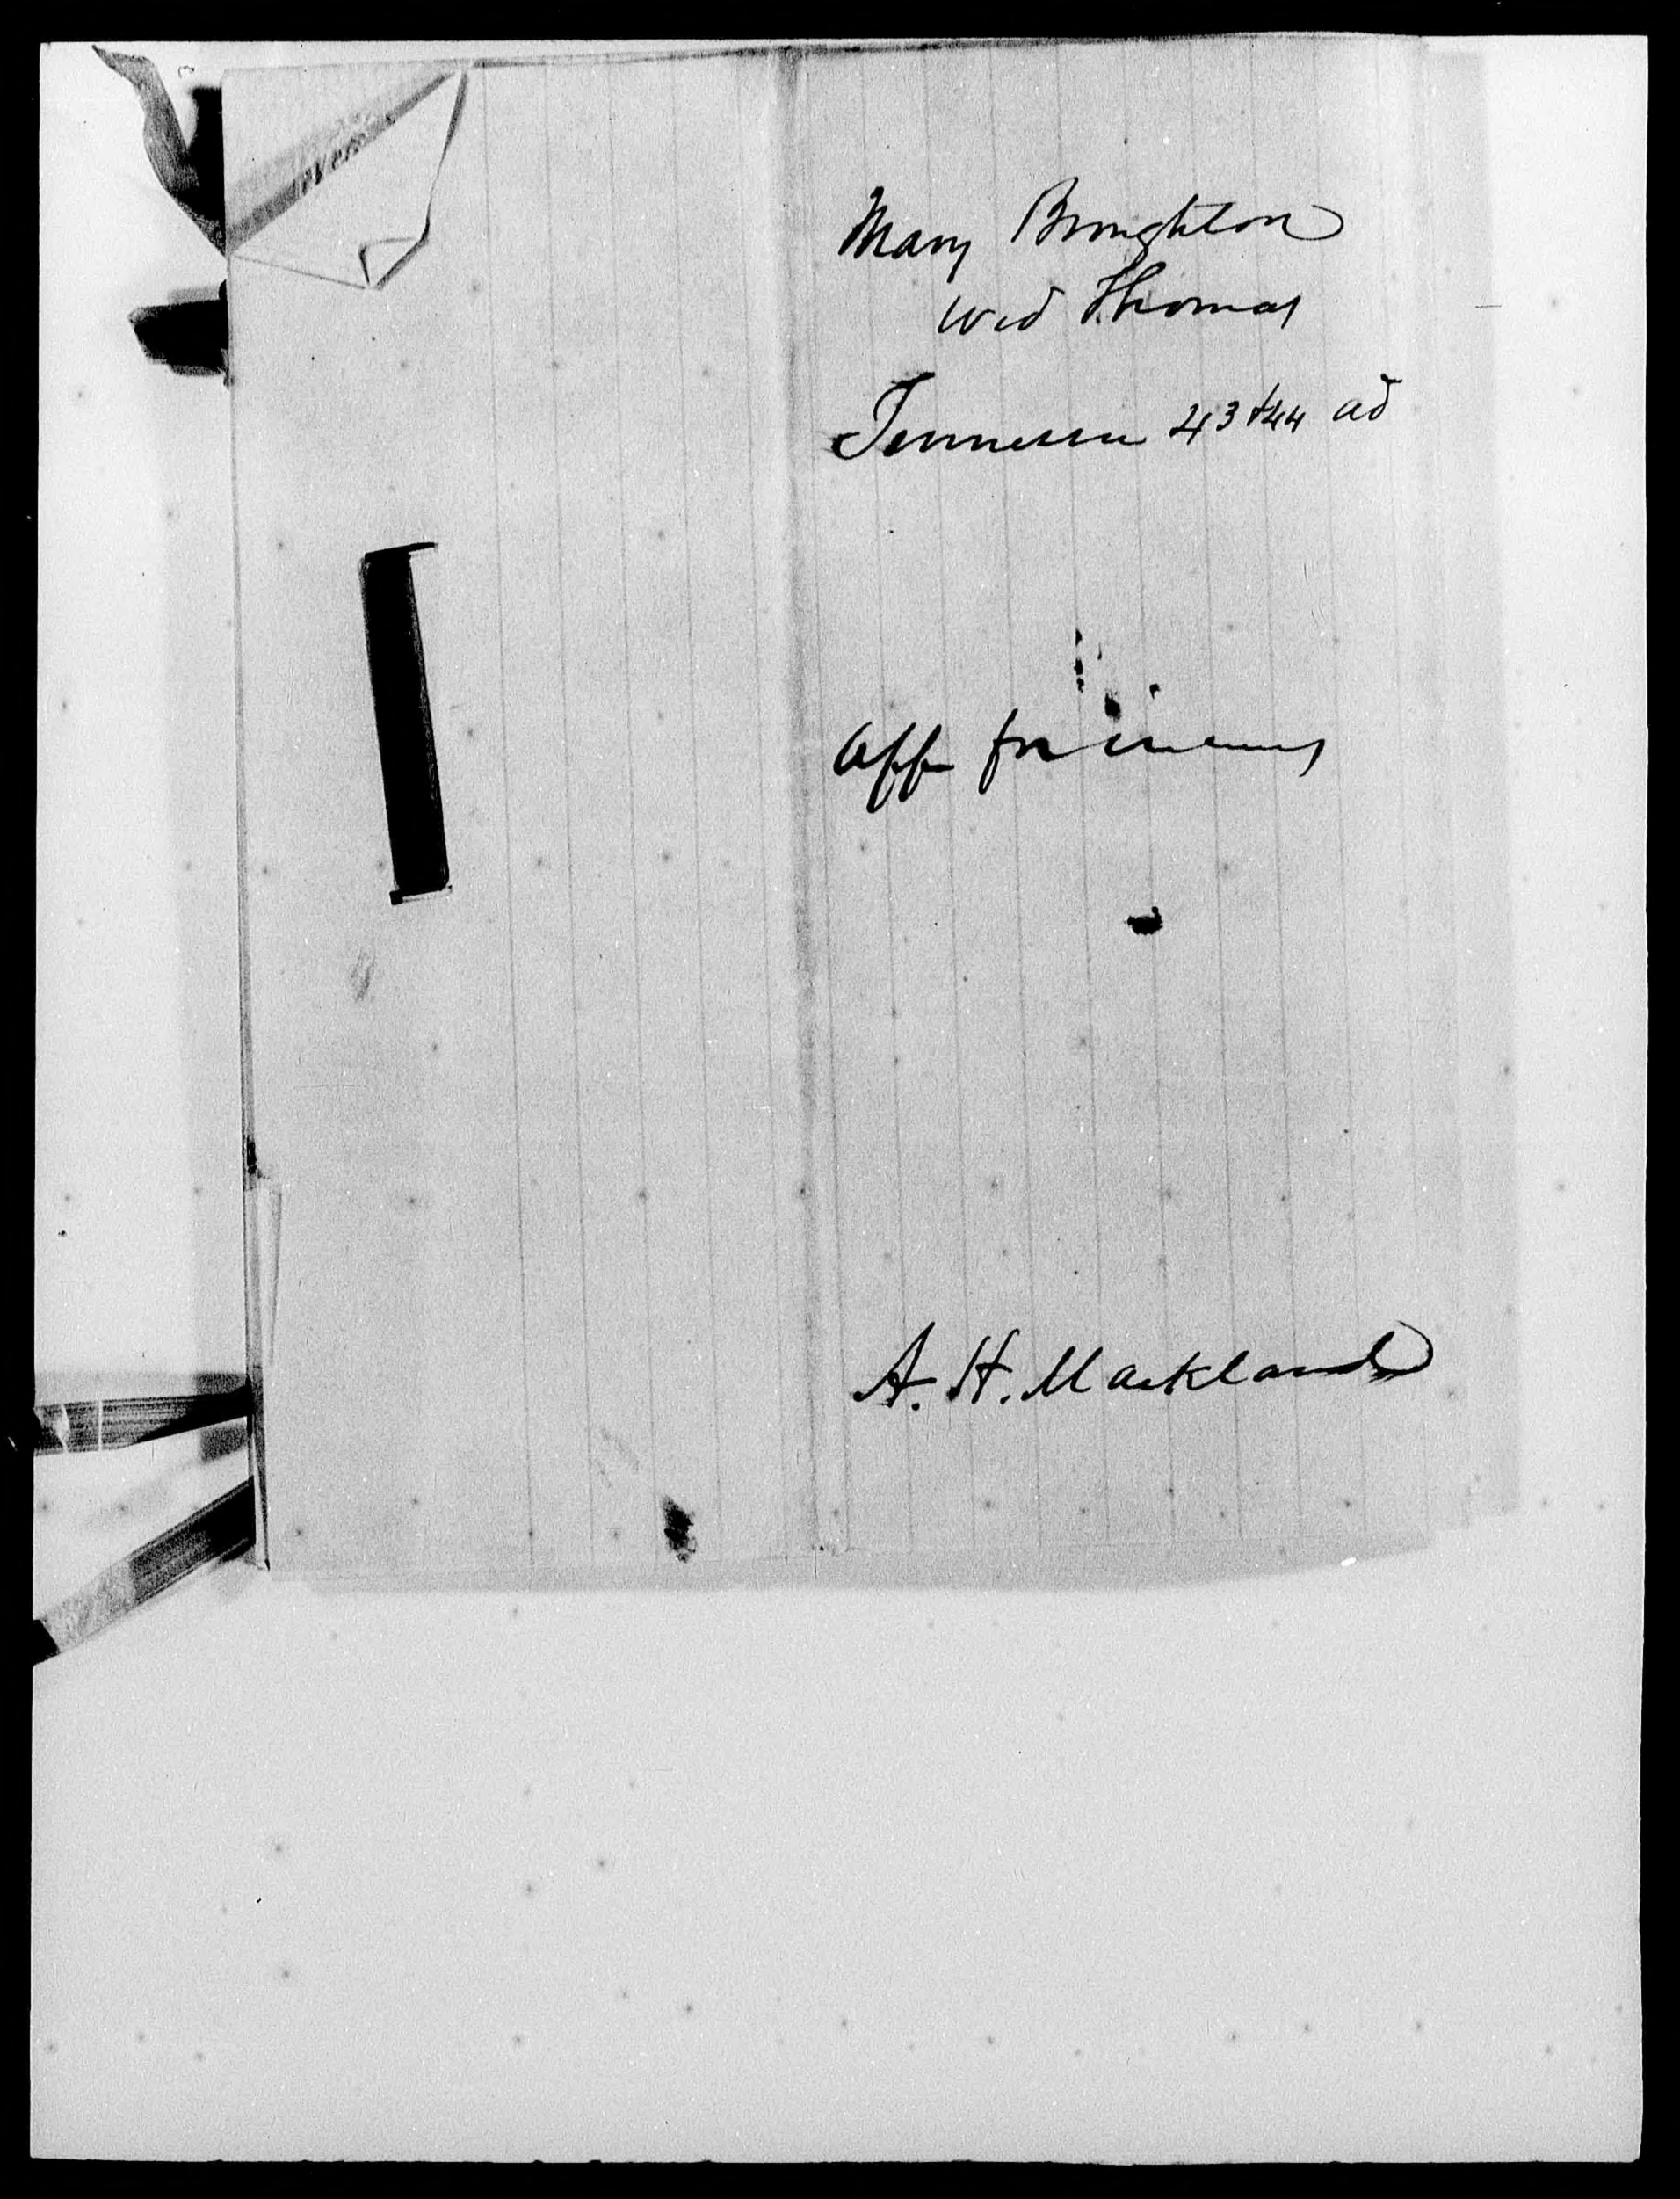Mary Broughton
Wid Thomas
Tennessee 43 & 44 ad
aff for increase
A. H. Markland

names: A H Markland, Thomas Broughton, Mary Broughton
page: 21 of 72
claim: widow's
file: W. 897, Thomas Broughton, S.C.